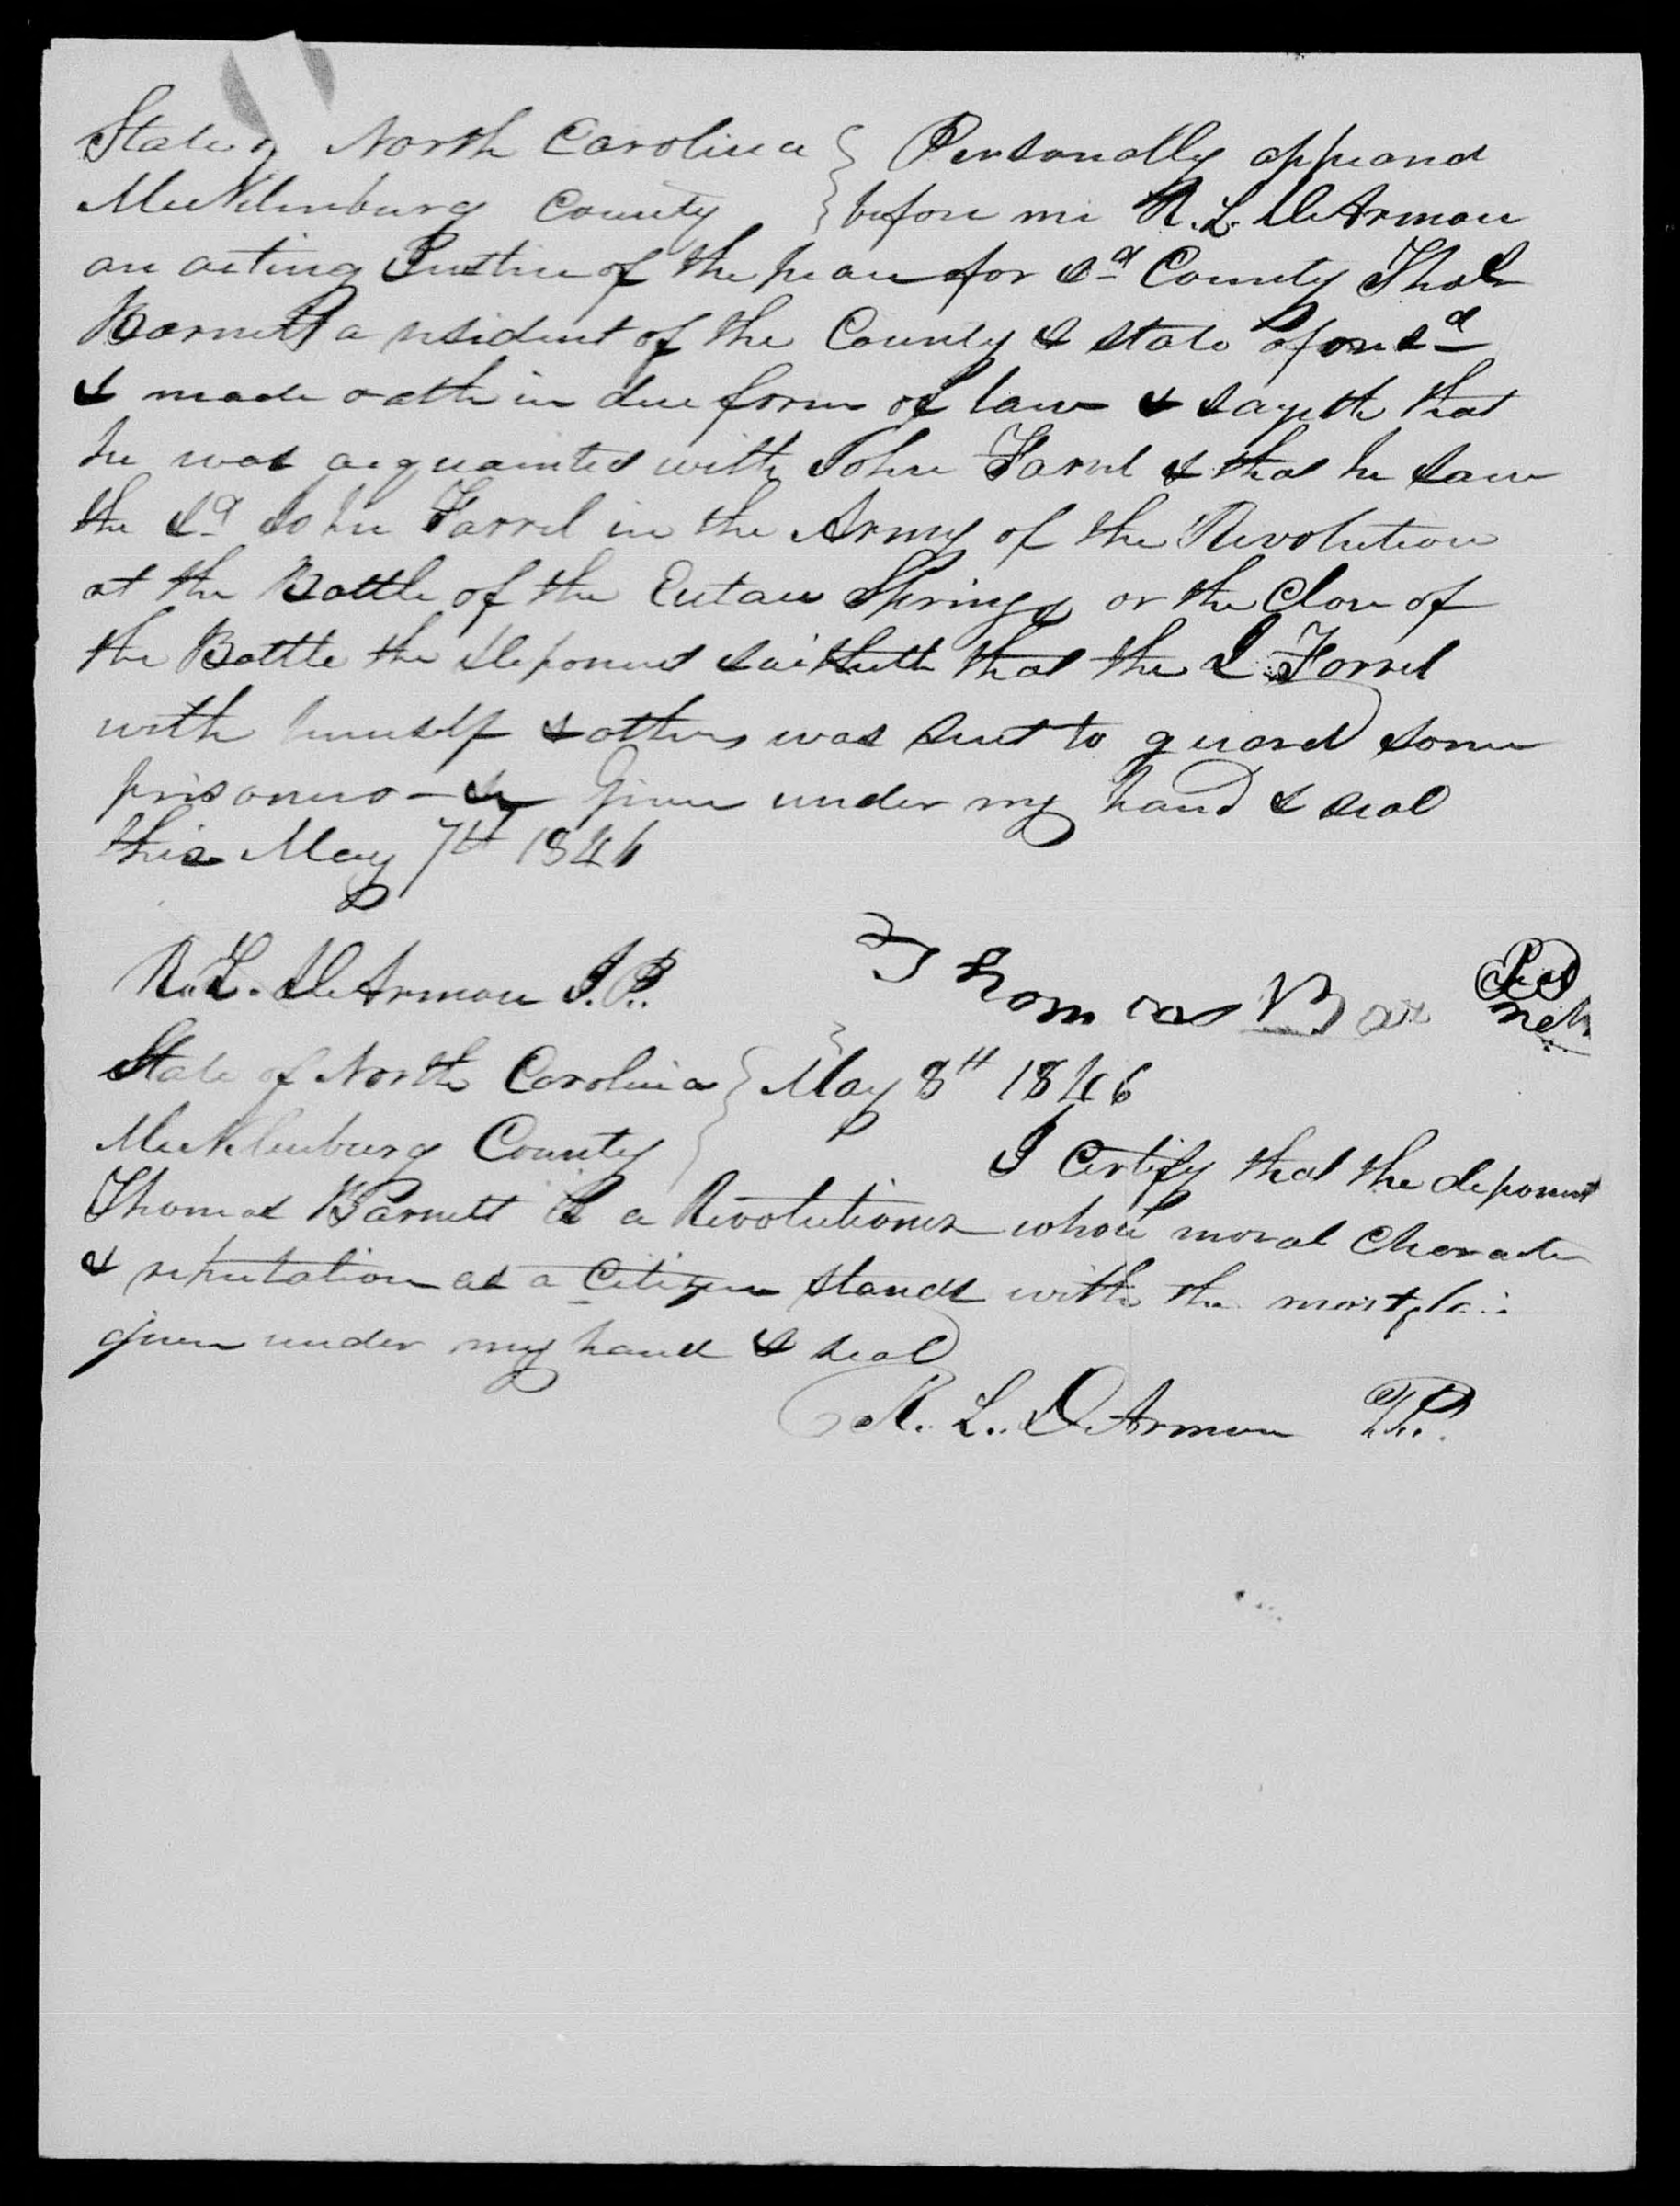State of North Carolina 
Mecklenburg County
Personally appeared before me RL :illegible:
An acting Justice of the peace for :illegible: County That Barnett a resident of the County & state aforesaid I made an oath in due due form of law & sayeth that he was acquainted with John Fand and that he saw the :illegible: :illegible: :illegible: Fand in the Army of the Revolution at the Battle of the Eutaw Springs on the :illegible: of the Battle of the Deponet said that the J. Fand with himself and others was suit to guard some prisoners :illegible: :illegible: under my hand & seal this May 7th 1846.
R.L. DeArmore :illegible:
State of North Carolina
Thomas Bar
Mecklenburg County
May 8th 1846
I certify that the deponent Thomas Barnett is a Revolution who moral character& reputation as a Citizen stands with the :illegible: given under my hand and seal.
R.L. DeArman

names: J Forrel, Thos Barnett, John Farrel, R L De Armon, R L De Armon, Thomas Barnett, Thomas Bar, R L De Armon, John Farrel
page: 49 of 52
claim: rejected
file: R. 3,512, John Ferrell, N.C.